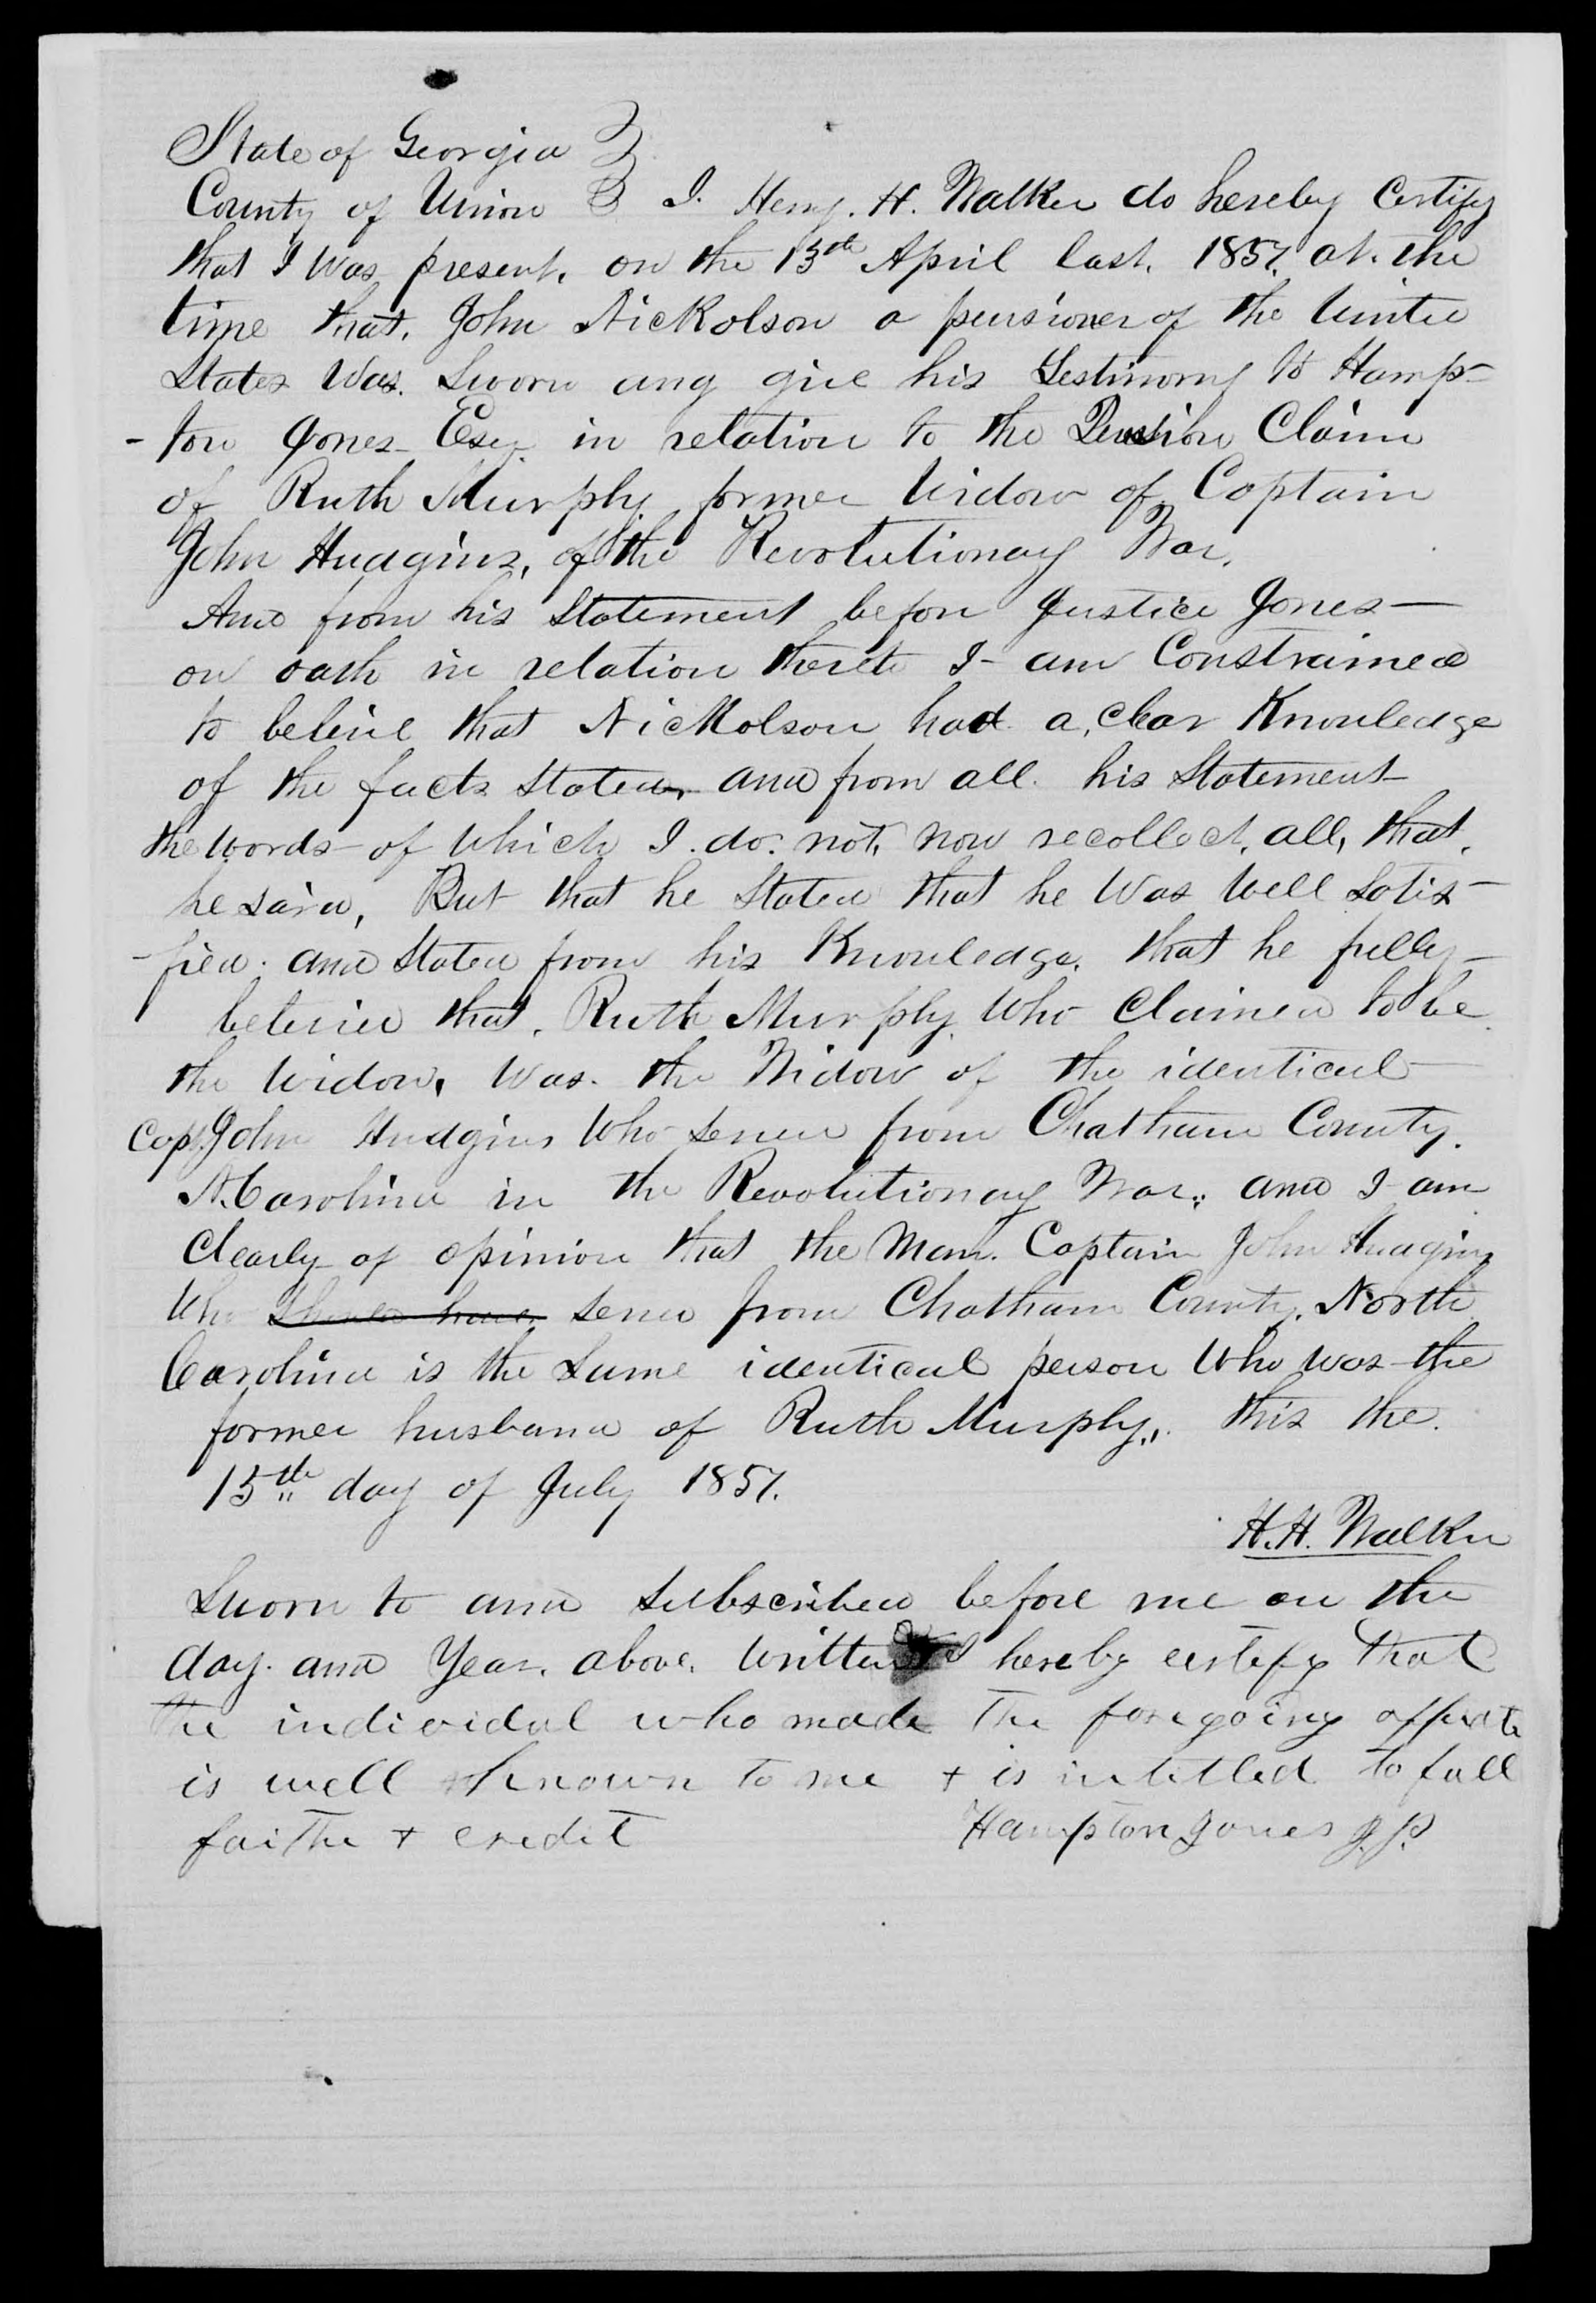State of Georgia county of Union (vertical squiggle line) I Henry A. Walker do hereby certify that I was present on the 13th of April last 1857. At the time that John Nicholson a pensioner of the United States was sworn and give his testimony to Hampton Jones Esq in relation to the pension claim of Ruth Murphy former widow of Captain John Hudgins of the Revolutionary War. 
And from his statement before Justice Jones - on oath in relation that I am constrained to believe that Nicholson had a clear knowledge of the facts stated and from all his statement the words of which I do not now recollect all that he said. But that he stated that he was well satisfied and stated from his knowledge that he fully believed that Ruth Murphy who claimed to be the widow was the widow of the identical Cap John Hudgins who served from Chatham County N. Carolina in the Revolutionary War. And I am clearly of opinion that the name Captain John Hudgins so (two words were lined through) served from Chatham County North Carolina is the same identical person who was the former husband of Ruth Murphy this the 15th day of July 1851
HH Walker (underlined)

Sworn to and subscribed before me on the day and year above written hereby certify that the individual who made the foregoing affidavit is well known to me and is in titled to full faith and credit
Hampton Jones JP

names: Henry H Walker, Hampton Jones, Ruth Murphy, John Hudgins, John Nickolson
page: 75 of 108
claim: rejected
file: R. 7,515, John Hudgins, N.C.